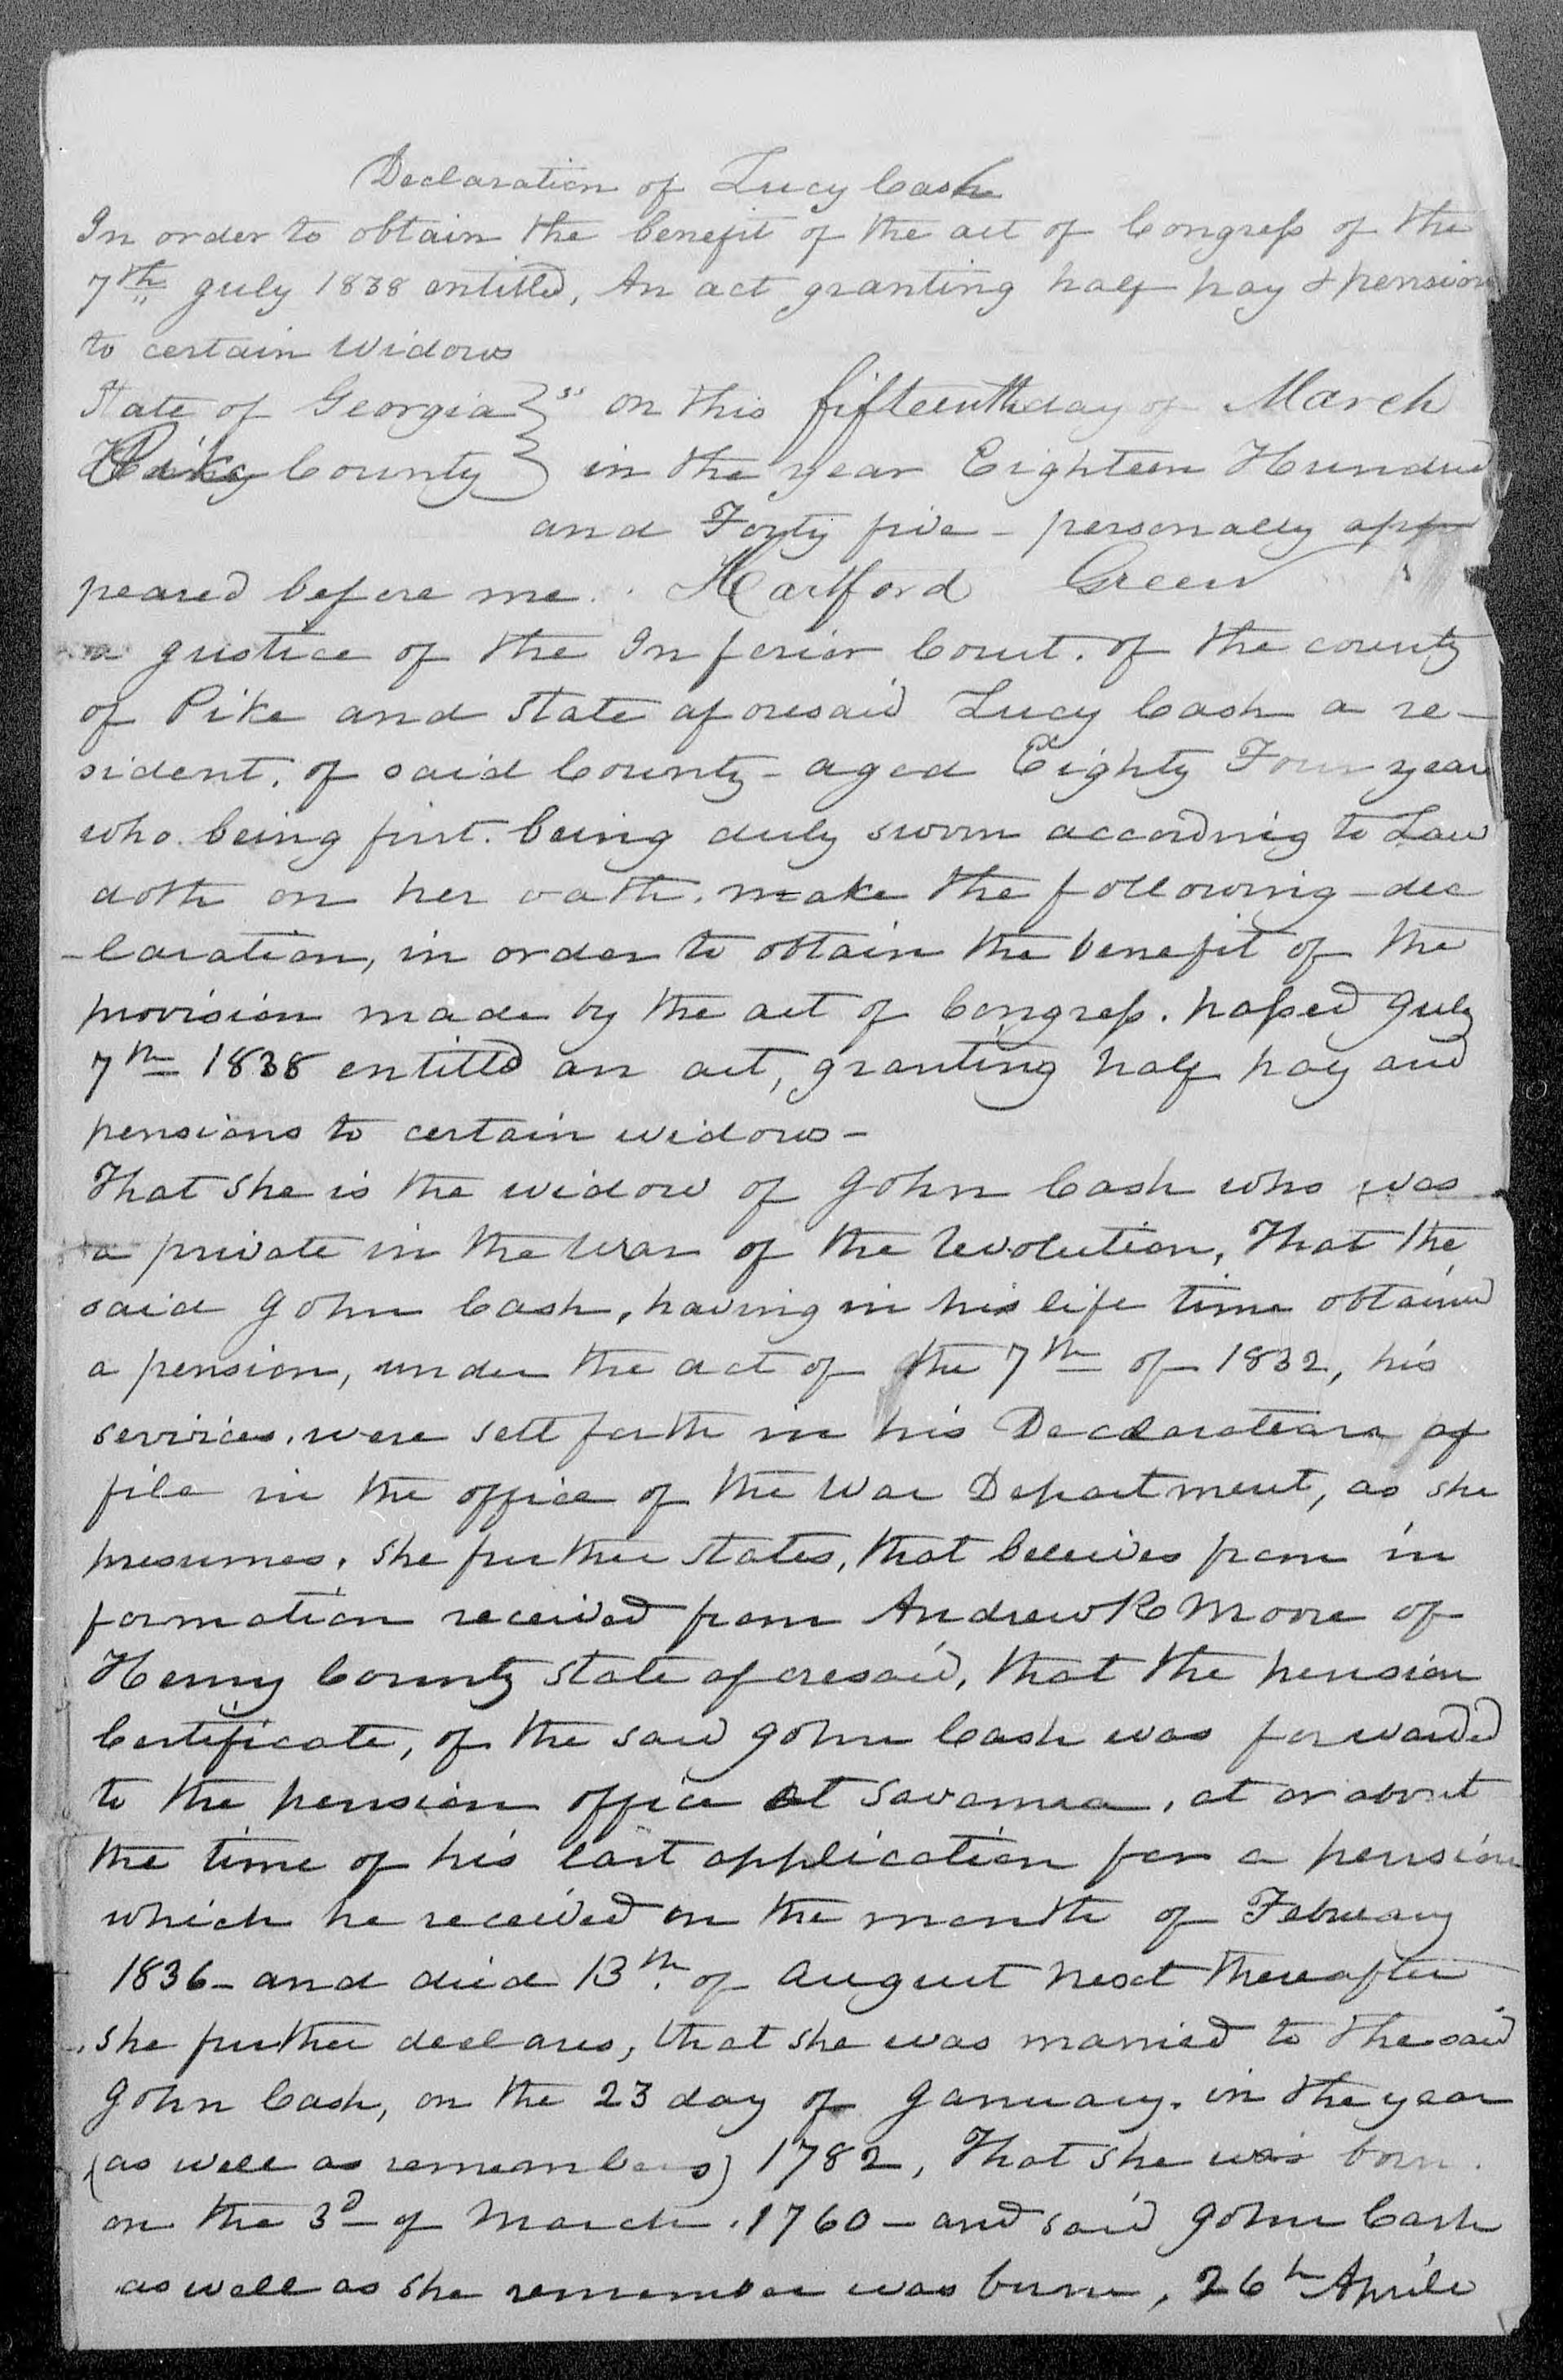Declaration of Lucy Cash
In order to obtain the benefit of the act of Congress of the 7th July 1838 entitled, "An act granting half pay & pension to certain widows."
State of Georgia
Pike County
on this fifteenth day of March in the year Eighteen Hundred and Forty-five personally appeared before me, Hartford Green, the Justice of the Inferior Court of the County of Pike and State aforesaid, Lucy Cash a resident of said County, aged Eighty-four year who first being duly sworn according to Law doth on her oath, make the following declaration,
in order to obtain the benefit of the
provision made by the act of Congress passed July 7th 1838 entitled an act, granting half pay and pensions to certain widows, That she is the widow of John Cash who was a private in the war of the revolution. That the said John Cash, having in his life time obtained a pension, under the act of the 7th of 1832, his
services were set forth in his Declaration on file in the office of the war Department, as she presumes, she further states, that she believes from information received from Andrew R Moore of
Henry County State aforesaid, that the pension Certificate, of the said John Cash was forwarded to the pension office at Savannah, at or about the time of his last application for a pension which he received on the month of February
1836 and died 13th of August next thereafter, she further declares, that she was married to the said John Cash, on the 23rd day of January in the year
as well as remembers, 1782. That she was born on the 3d of March 1760- and said John Cash as well as she remembers was born, 26th April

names: Lucy Cash, John Cash, John Cash, John Cash, Andrew R Moore, Lucy Cash, Hartford Green, John Cash, John Cash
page: 11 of 73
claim: widow's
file: W. 5,894, John Cash, Va.